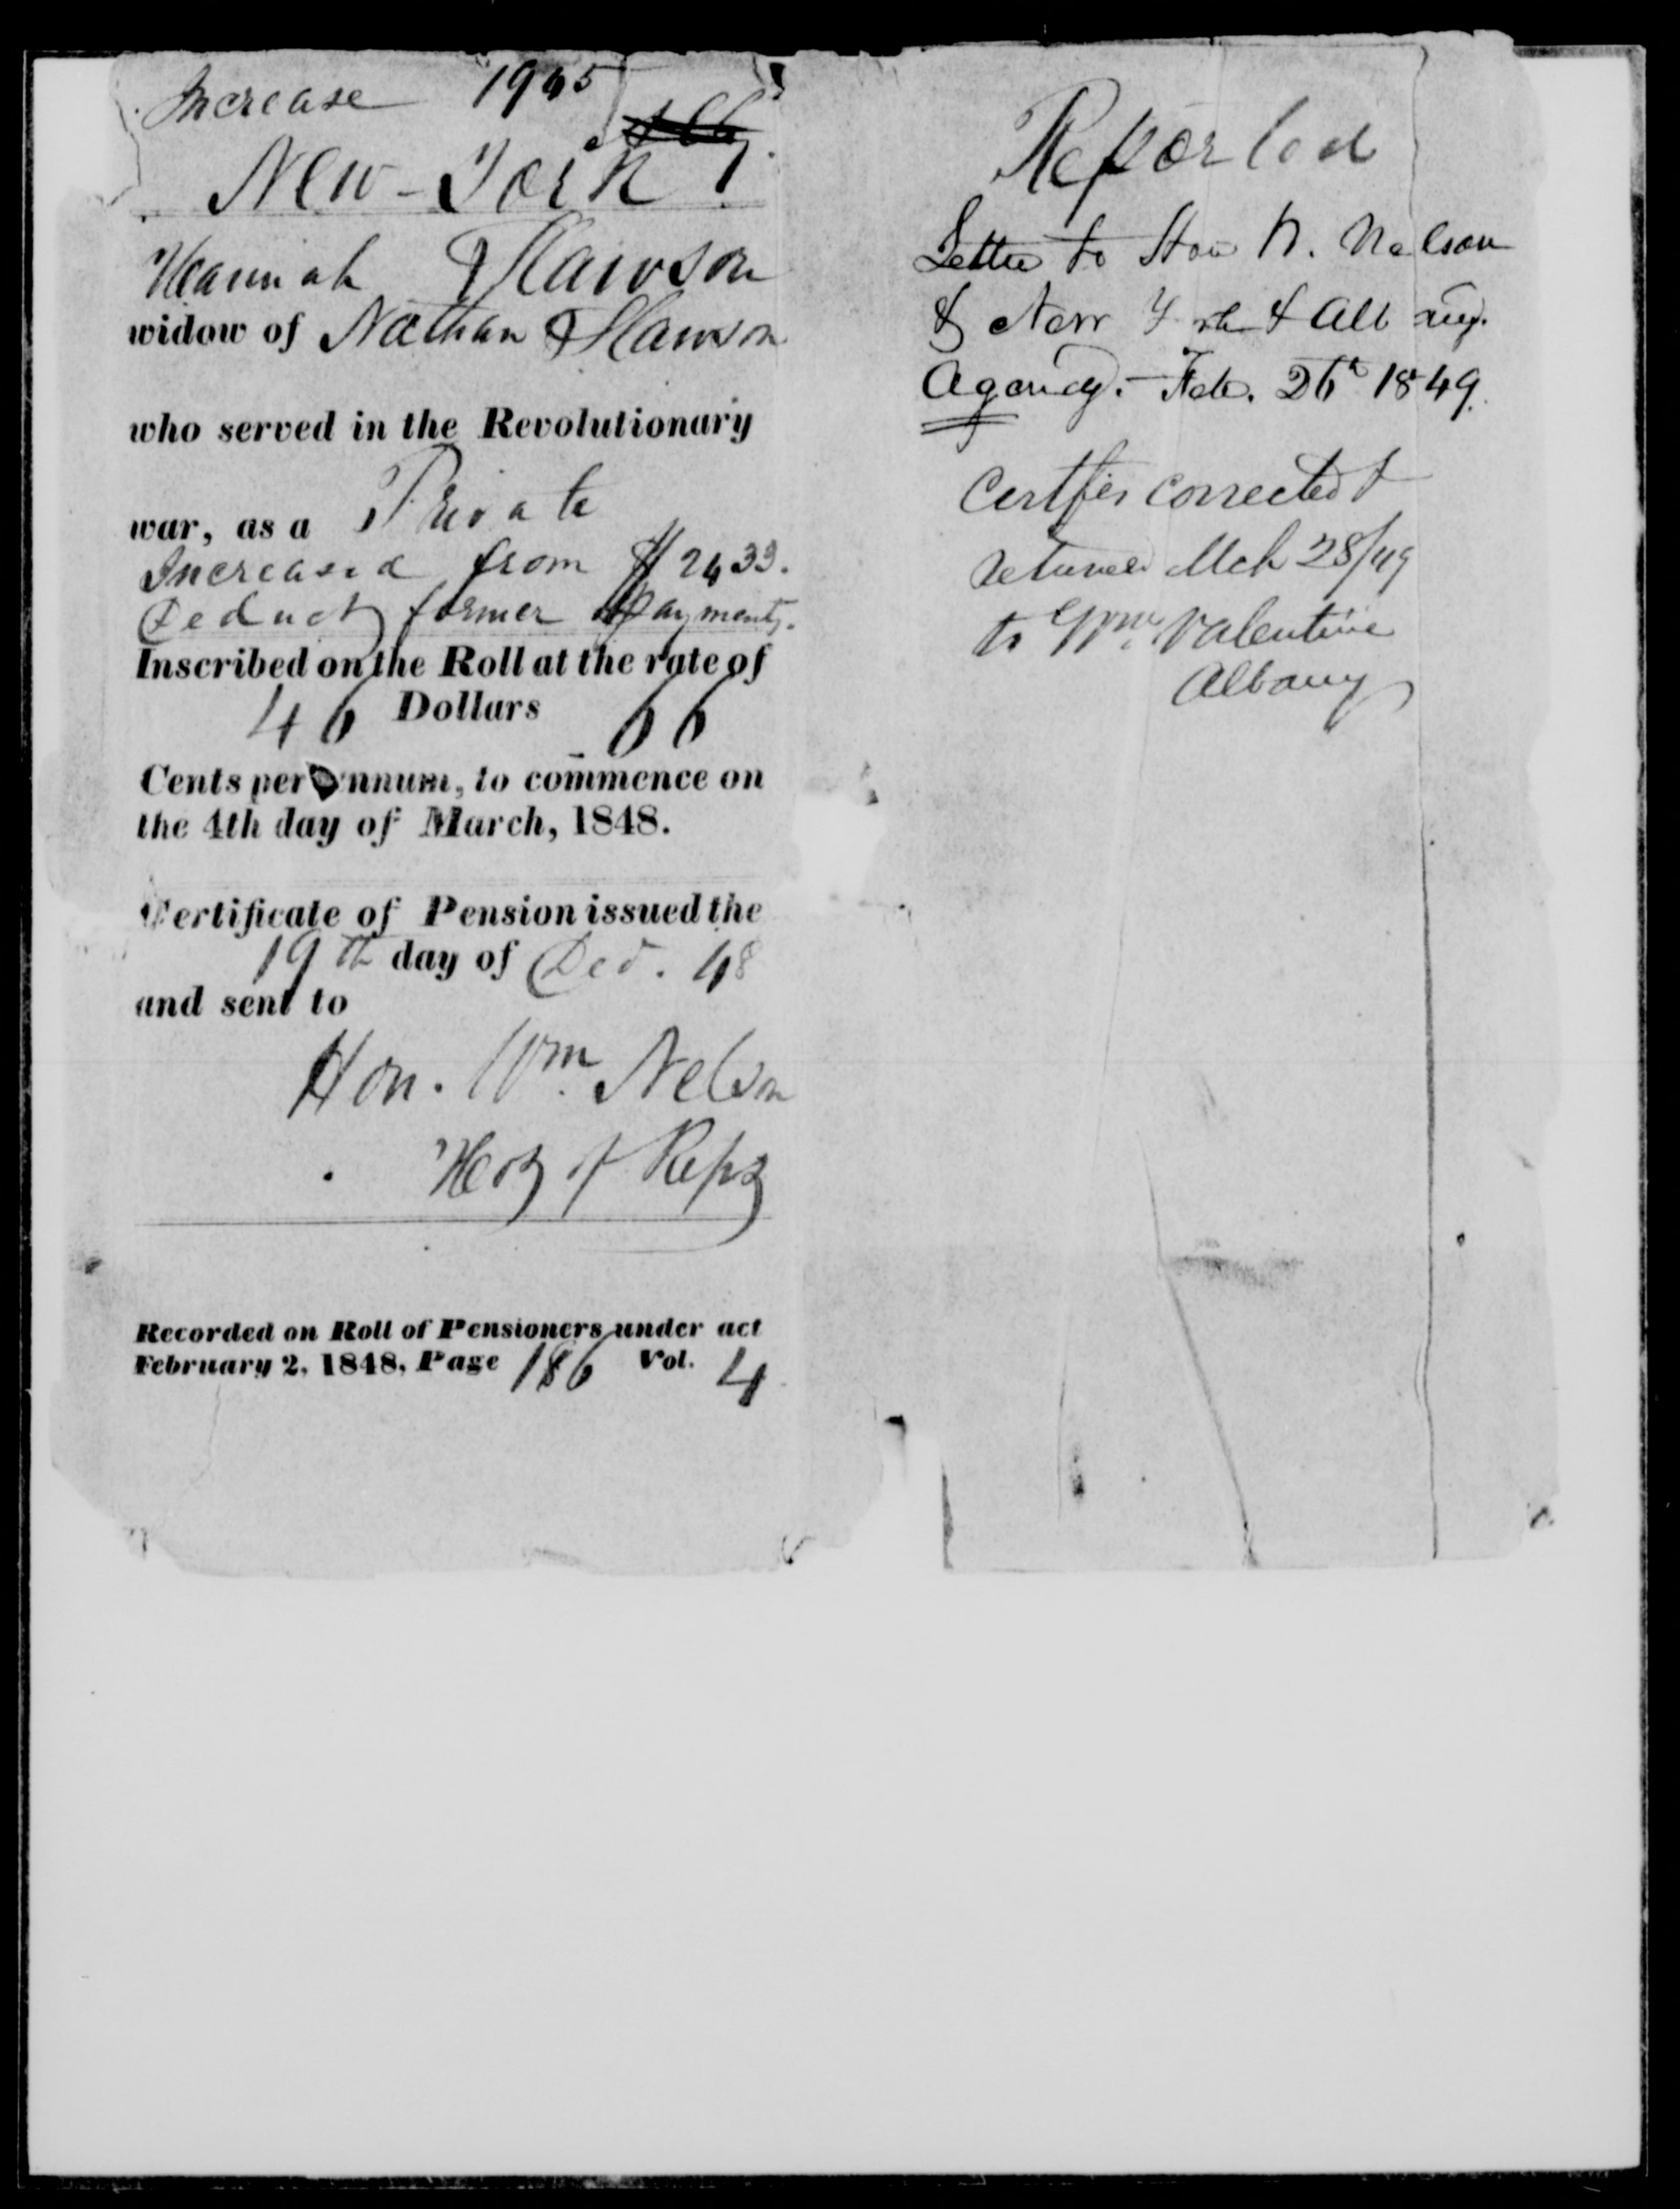Increase 1945 
New York 
Hannah Slawson 
widow of Nathan Slawson who served in the Revolutionary war , as a Private 
Increased from $24.33. Deduct former payments 
Inscribed on the Roll at the rate of 46 Dollars 66 Cents per annum, to commence on the 4th day of March, 1848. 
Certificate of Pension issued the 19th day of Dec. 48 and sent to Hon. Wm Nelson Ho of Reps
Recorded on Roll of Pensioners under act February 2, 1848, Page 186 Vol.  4 
Reported 
Letter to Hon W. Nelson & New York & All [unreadable] Agency. Feb 26th 1849 
Certified corrected & returned Mch 28 /49 to Wm Valentine Albany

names: Hannah Slawson; Wm Nelson; Wm Valentine; W Nelson; Nathan Slawson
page: 3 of 87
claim: widow's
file: W. 22,226, for Nathan Slawson, Connecticut